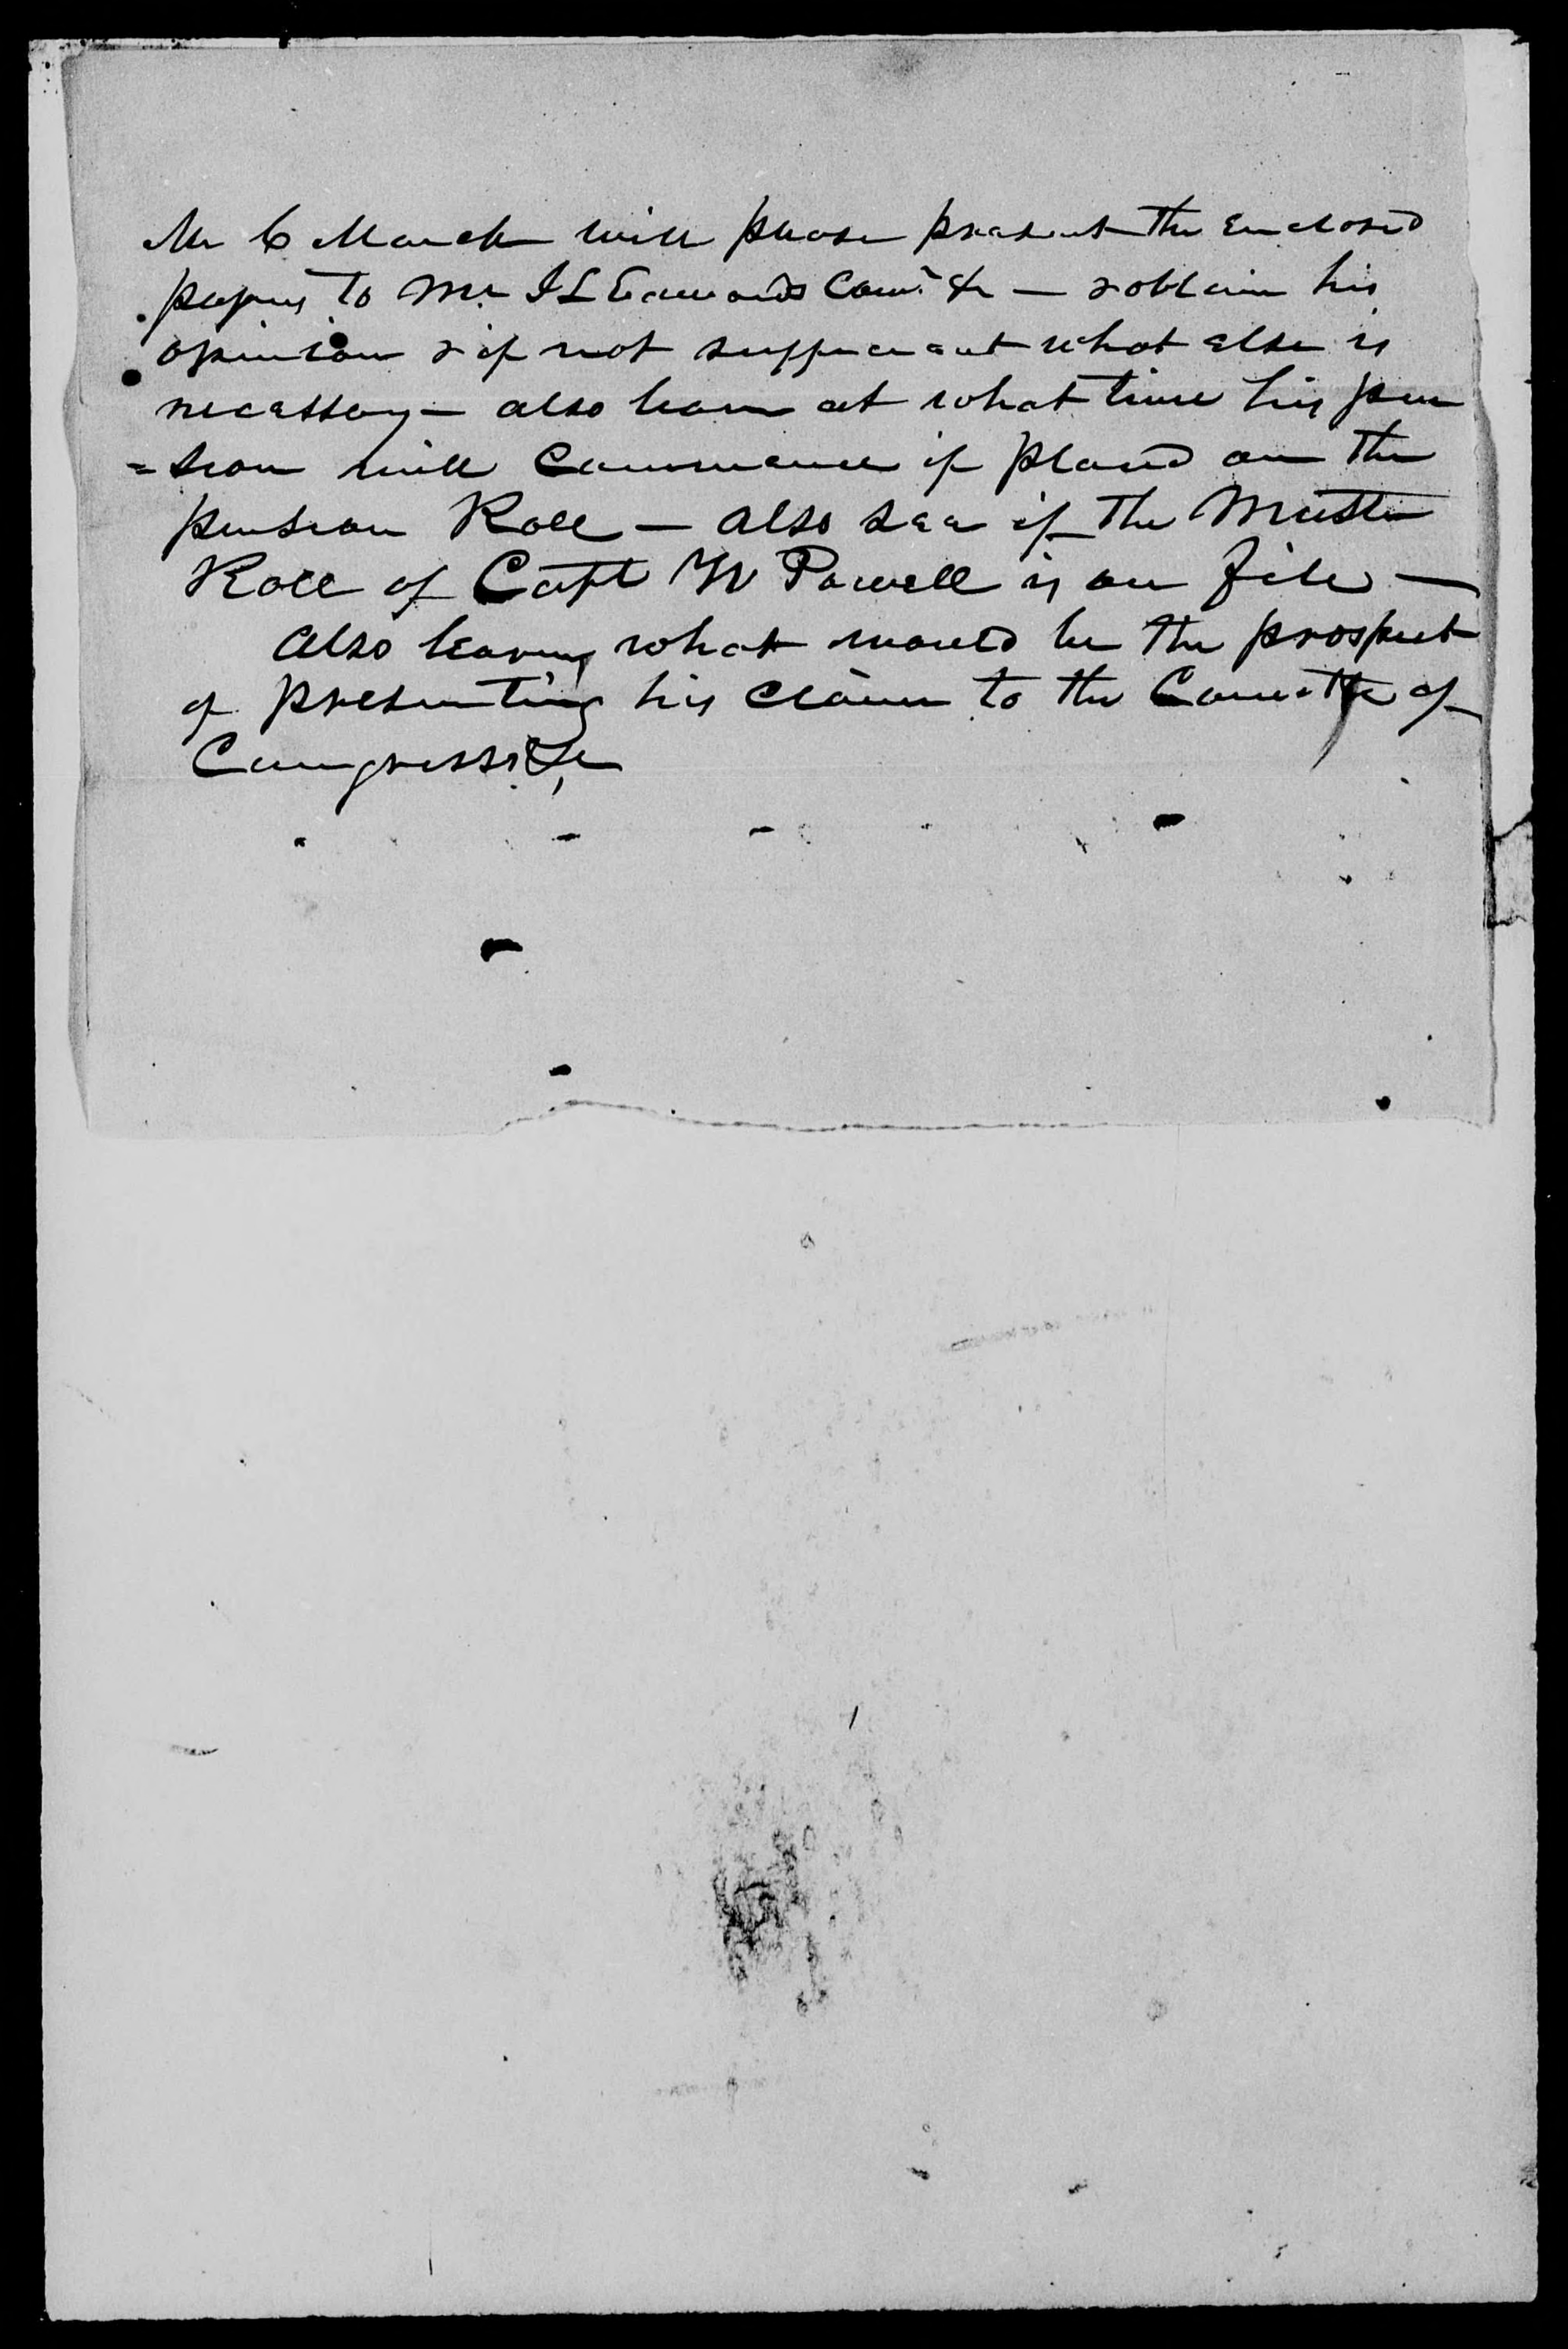Mr C March will pose present the enclosed
papers to me I L Edward Cow. X- and obtain his
opinion & if not sufficient what else is
necessary - also have at what time his pension
 said commence if placed on the
pension Roll - also see if the Mustin
Race of Capt W Powell is on file -
Also leaving what would be the prospect
of presenting his came to the County of
[illegible]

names: C March, J L Edwards, W Powell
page: 24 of 32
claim: rejected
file: R. 2795, Jesse Dazey, Del.